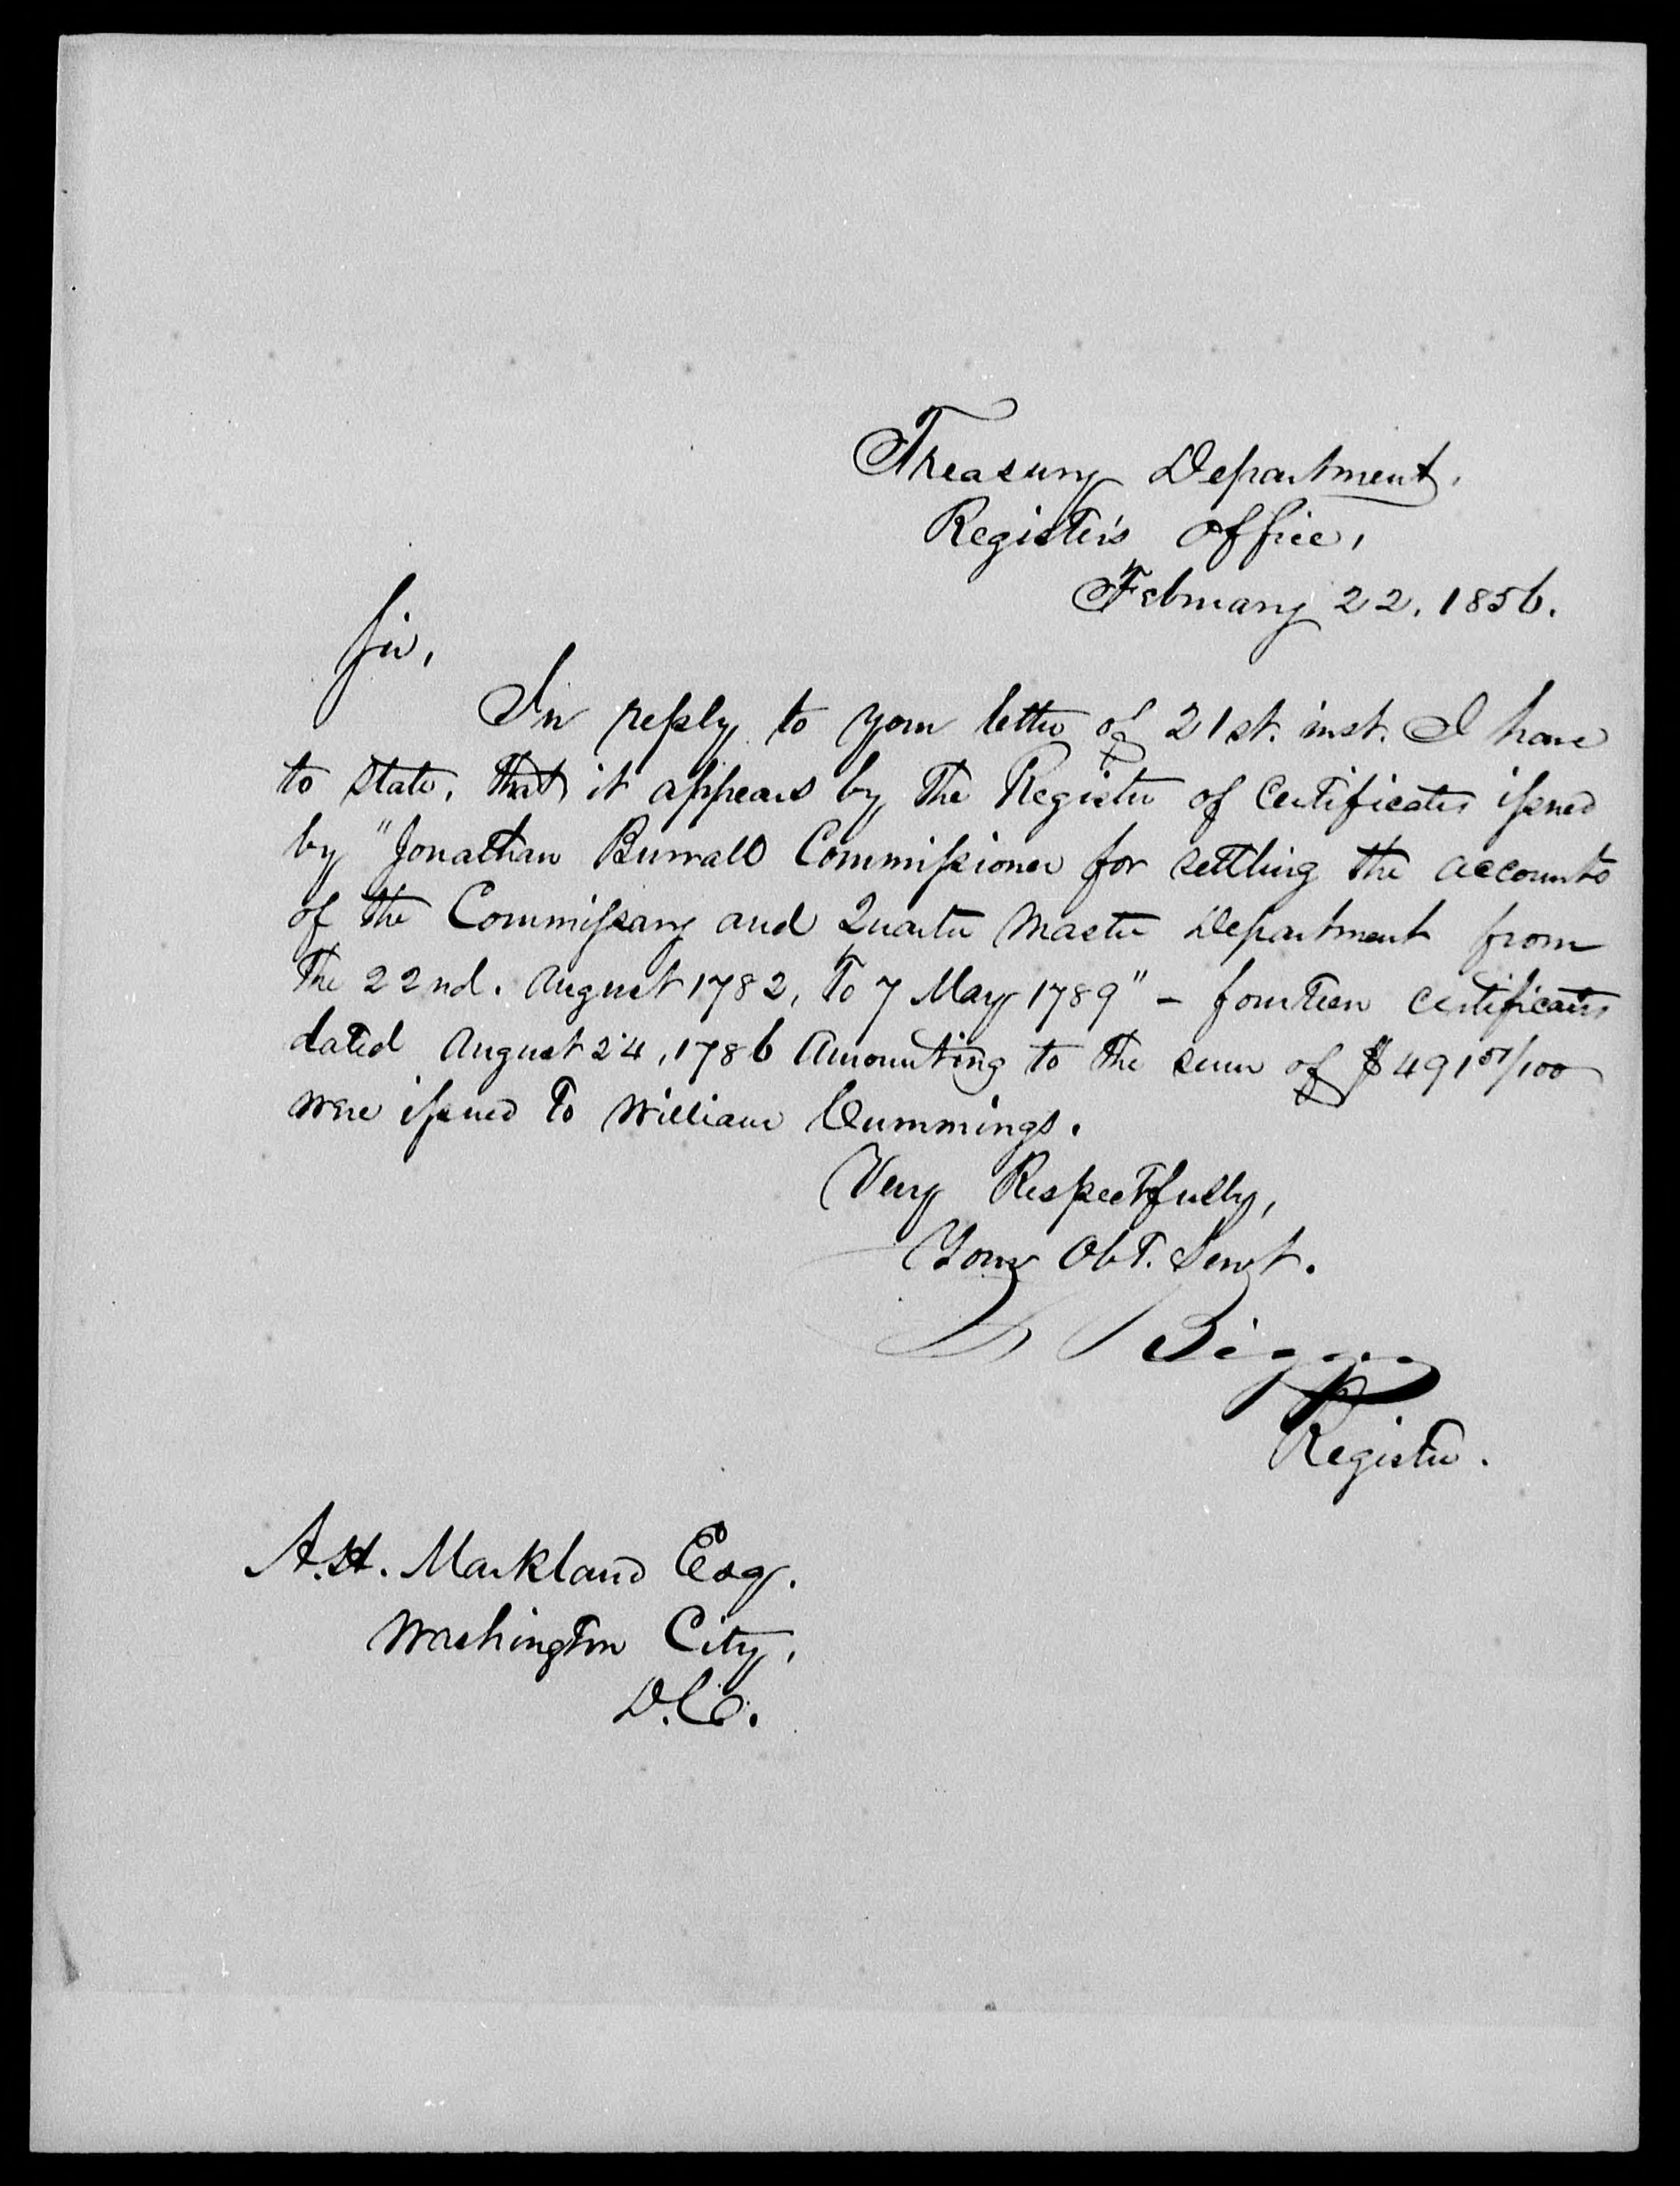[Handwritten letter] 

Treasury Department,
Register's office,
February 22, 1856.

Sir, 
In reply to your letter of 21st. inst. [instant, meaning of this month, or Feb. 21, 1856] I have to state, that it appears by the Register of Certificates issued by "Jonathan Burrall Commissioner for settling the accounts of the Commissary and Quarter Master Department from the 22nd. August 1782, To 7 May 1789" - fourteen Certificates dated August 24, 1786 Amounting to the sum of $491 51/100 were issued To William Cummings.

Very Respectfully, 
Your Obt. Servt. [Your Obedient Servant]
[Here the following initial is hard to read, and written with a large flourish, but it may be:] F Bigges [or Biggs or Bigger]
Register.

A. H. Markland Esq. [Esquire] 
Washington City, 
D.C.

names: F Bigg, Jonathan Burrall, A H Markland, William Cummings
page: 87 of 145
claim: survivor's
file: S. 8265, William Cumming, N.C.